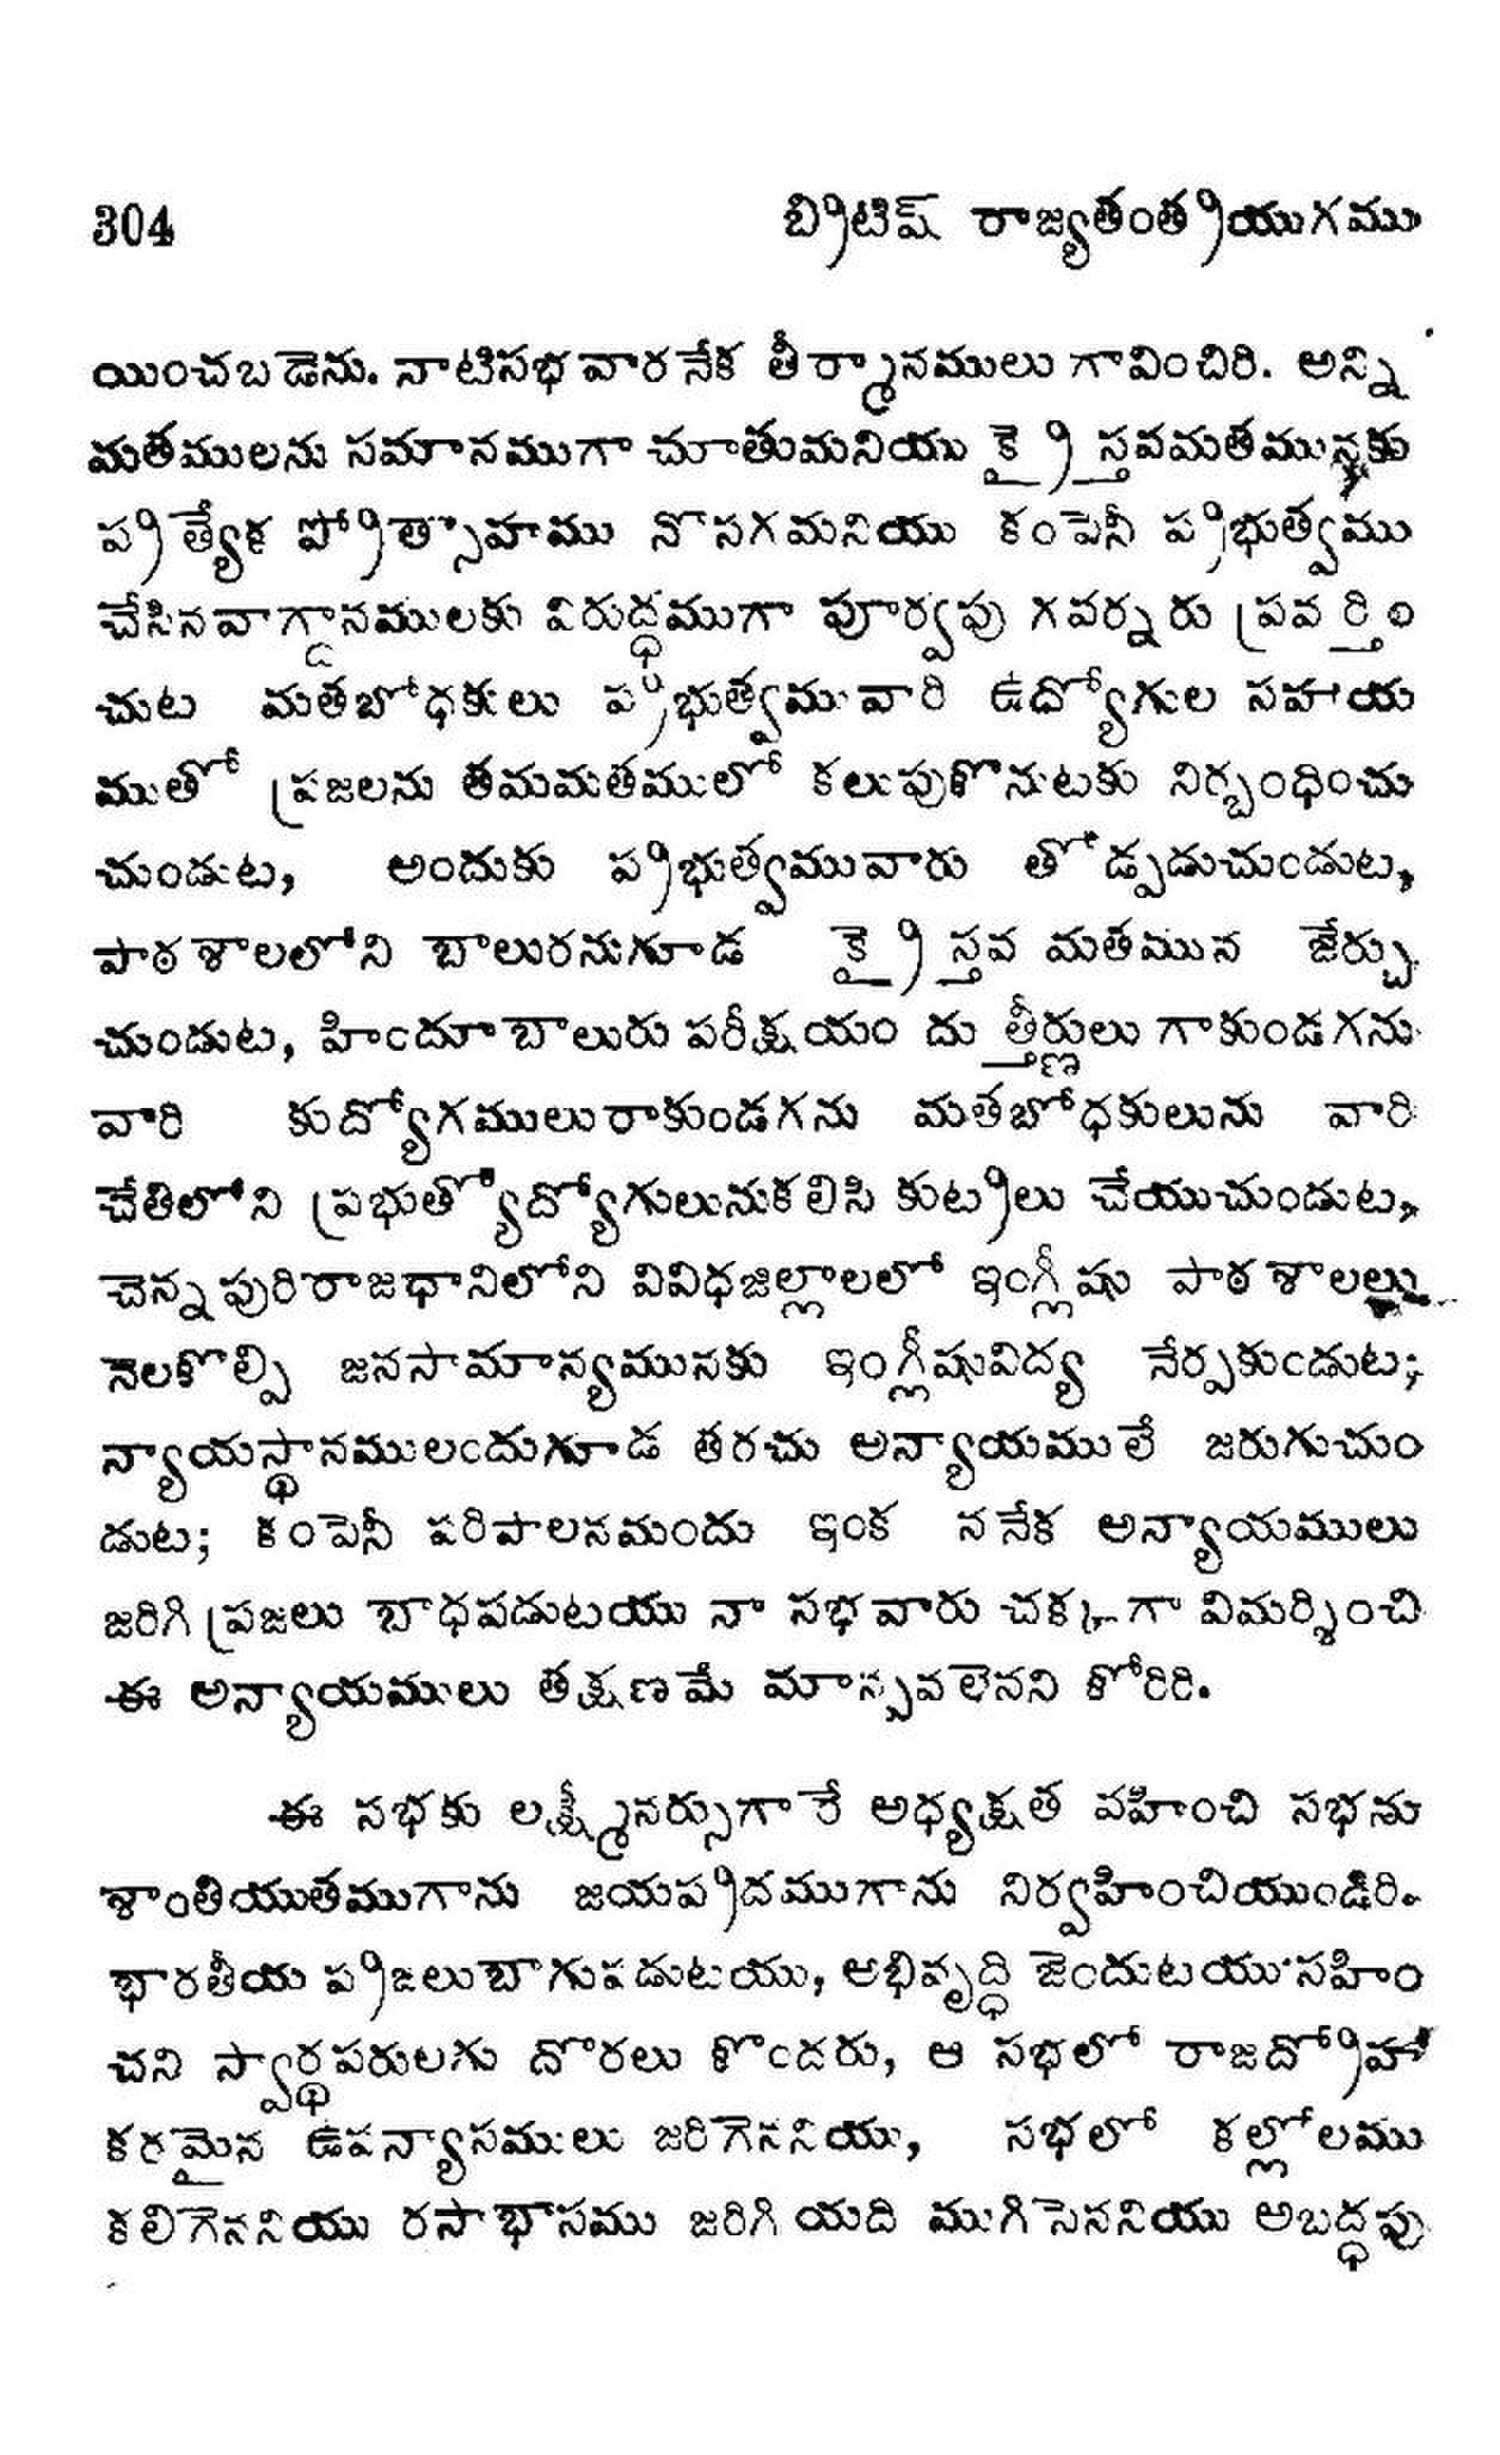యించబడెను. నాటిసభవారనేక తీర్మానములు గావించిరి. అన్నిమతములను సమానముగా చూతుమనియు క్రైస్తవమతమునకు ప్రత్యేక ప్రోత్సాహము నొసగమనియు కంపెనీ ప్రభుత్వము చేసిన వాగ్దానములకు విరుద్ధముగా పూర్వపు గవర్నరు ప్రవర్తించుట మతబోధకులు ప్రభుత్వమువారి ఉద్యోగుల సహాయముతో ప్రజలను తమమతములో కలుపుకొనుటకు నిర్బంధించుచుండుట, అందుకు ప్రభుత్వమువారు తోడ్పడుచుండుట, పాఠశాలలోని బాలురనుగూడ క్రైస్తవ మతమున జేర్చుచుండుట, హిందూబాలురుపరీక్షయం దుత్తీర్ణులు గాకుండగను వారి కుద్యోగములురాకుండగను మతబోధకులును వారి చేతిలోని ప్రభుత్వోద్యోగులునుకలిసి కుట్రలు చేయుచుండుట, చెన్నపురిరాజధానిలోని వివిధజిల్లాలలో ఇంగ్లీషు పాఠశాలలు, నెలకొల్పి జనసామాన్యమునకు ఇంగ్లీషువిద్య నేర్పకుండుట; న్యాయస్థానములందుగూడ తరచు అన్యాయములే జరుగుచుండుట; కంపెనీ పరిపాలనమందు ఇంక ననేక అన్యాయములు జరిగి ప్రజలు బాధపడుటయు నా సభవారు చక్కగా విమర్శించి ఈ అన్యాయములు తక్షణమే మాన్పవలెనని కోరిరి.

ఈ సభకు లక్ష్మీనర్సుగారే అధ్యక్షత వహించి సభను శాంతియుతముగాను జయప్రదముగాను నిర్వహించియుండిరి.
భారతీయ ప్రజలుబాగుపడుటయు, అభివృద్ధి జెందుటయు సహించని స్వార్ధపరులగు దొరలు కొందరు, ఆ సభలో రాజద్రోహకరమైన ఉపన్యాసములు జరిగెననియు, సభలో కల్లోలము కలిగెననియు రసాభాసము జరిగి యది ముగిసెననియు అబద్దపు